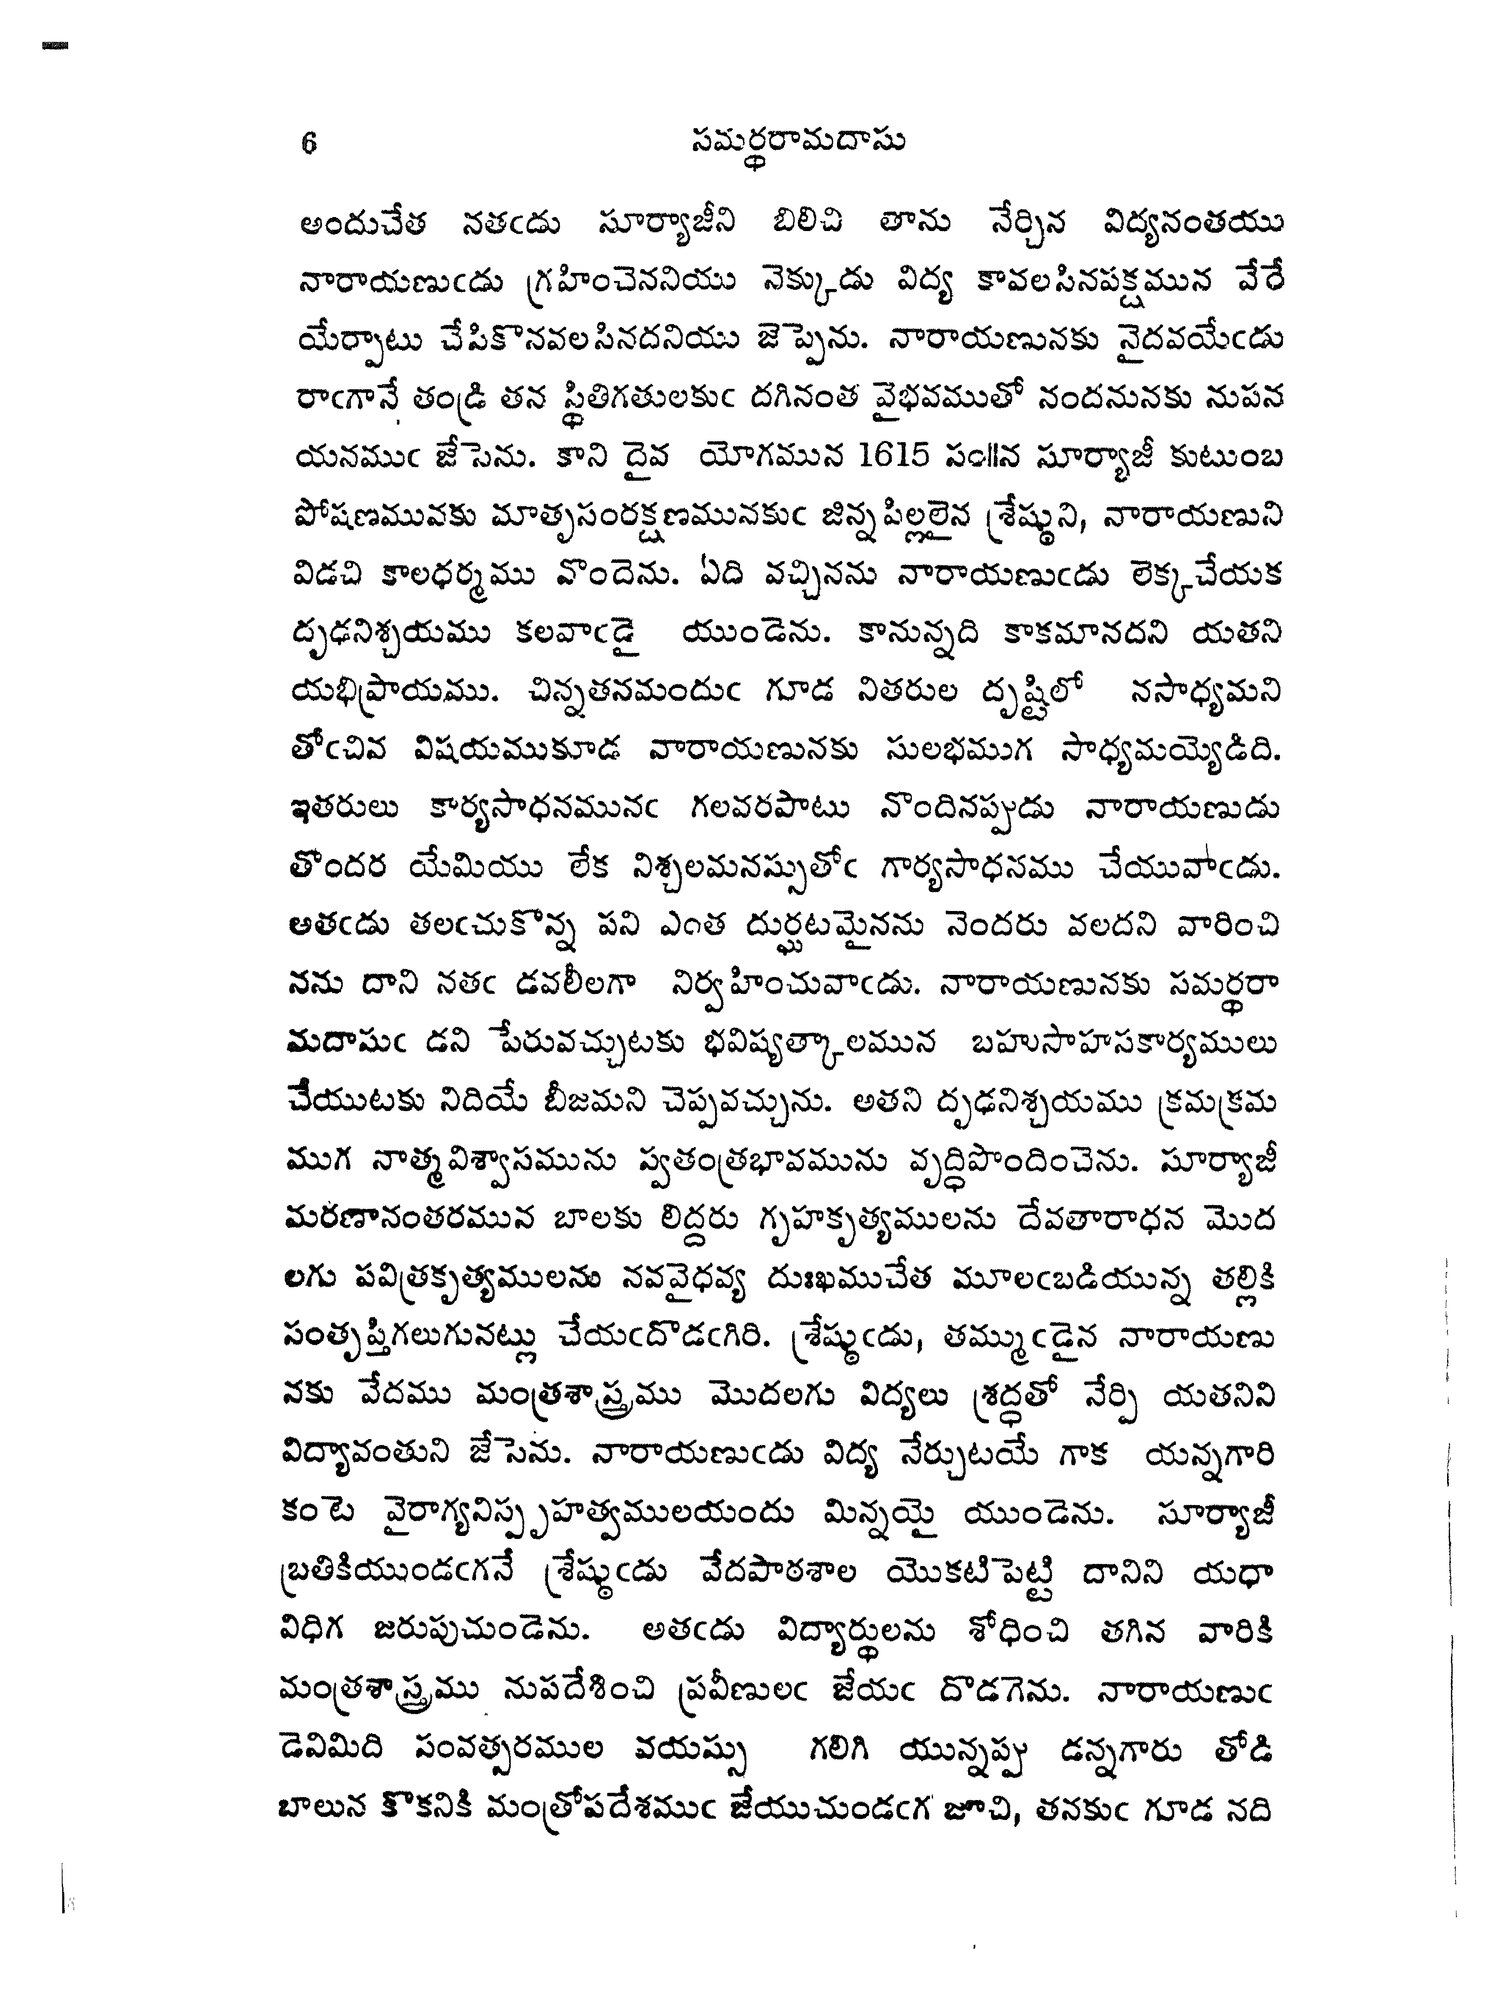అందుచేత నతడు సూర్యాజీని బిలిచి తాను నేర్చిన విద్యనంతయు నారాయణుడు గ్రహించెననియు నెక్కుడు విద్య కావలసినపక్షమున వేరే యేర్పాటు చేసికొనవలసినదనియు జెప్పెను. నారాయణునకు నైదవయేడు రాగానే తండ్రి తన స్థితిగతులకు దగినంత వైభవముతో నందనునకు నుపనయనము జేసెను. కాని దైవ యోగమున 1615 సం||న సూర్యాజీ కుటుంబ పోషణమునకు మాతృసంరక్షణమునకు జిన్న పిల్లలైన శ్రేష్ఠుని, నారాయణుని విడచి కాలధర్మము వొందెను. ఏది వచ్చినను నారాయణుడు లెక్కచేయక దృడనిశ్చయము కలవాడై యుండెను. కానున్నది కాకమానదని యతని యభిప్రాయము. చిన్నతనమందు గూడ నితరుల దృష్టిలో నసాధ్యమని తోచిన విషయముకూడ నారాయణునకు సులభముగ సాధ్యమయ్యెడిది. ఇతరులు కార్యసాధనమున గలవారపాటు నొందినప్పుడు నారాయణుడు తొందర యేమియు లేక నిశ్చలమనస్సుతో గార్యసాధనము చేయువాడు. అతడు తలచుకొన్న పని ఎంత దుర్ఘటమైనను నెందరు వలదని వారించినను దాని నత డవలీలగా నిర్వహించువాడు. నారాయణునకు సమర్థరామదాసు డని పేరువచ్చుటకు భవిష్యత్కాలమున బహుసాహసకార్యములు చేయుటకు నిదియే బీజమని చెప్పవచ్చును. అతని దృడనిశ్చయము క్రమక్రమముగ నాత్మవిశ్వాసమును స్వతంత్రభావమును వృద్ధిపొందించెను. సూర్యాజీ మరణానంతరమున బాలకు లిద్దరు గృహకృత్యములను దేవతారాధన మొదలగు పవిత్రకృత్యములను నవవైధవ్య దు:ఖముచేత మూలబడియున్న తల్లికి సంతృప్తిగలుగునట్లు చేయదొడగిరి. శ్రేష్ఠుడు, తమ్ముడైన నారాయణునకు వేదము మంత్రశాస్త్రము మొదలగు విద్యలు శ్రద్ధతో నేర్పి యతనిని విద్యావంతుని జేసెను. నారాయణుడు విద్య నేర్చుటయే గాక యన్నగారి కంటె వైరాగ్యనిస్పృహత్వములయందు మిన్నయై యుండెను. సూర్యాజీ బ్రతికియుండగనే శ్రేష్ఠుడు వేదపాఠశాల యొకటిపెట్టి దానిని యధావిధిగ జరుపుచుండెను. అతడు విద్యార్థులను శోధించి తగిన వారికి మంత్రశాస్త్రము నుపదేశించి ప్రవీణుల జేయ దొడగెను. నారాయణు డెనిమిది సంవత్సరముల వయస్సు గలిగి యున్నప్పు డన్నగారు తోడి బాలున కొకనికి మంత్రోపదేశము జేయుచుండగ జూచి, తనకు గూడా నది